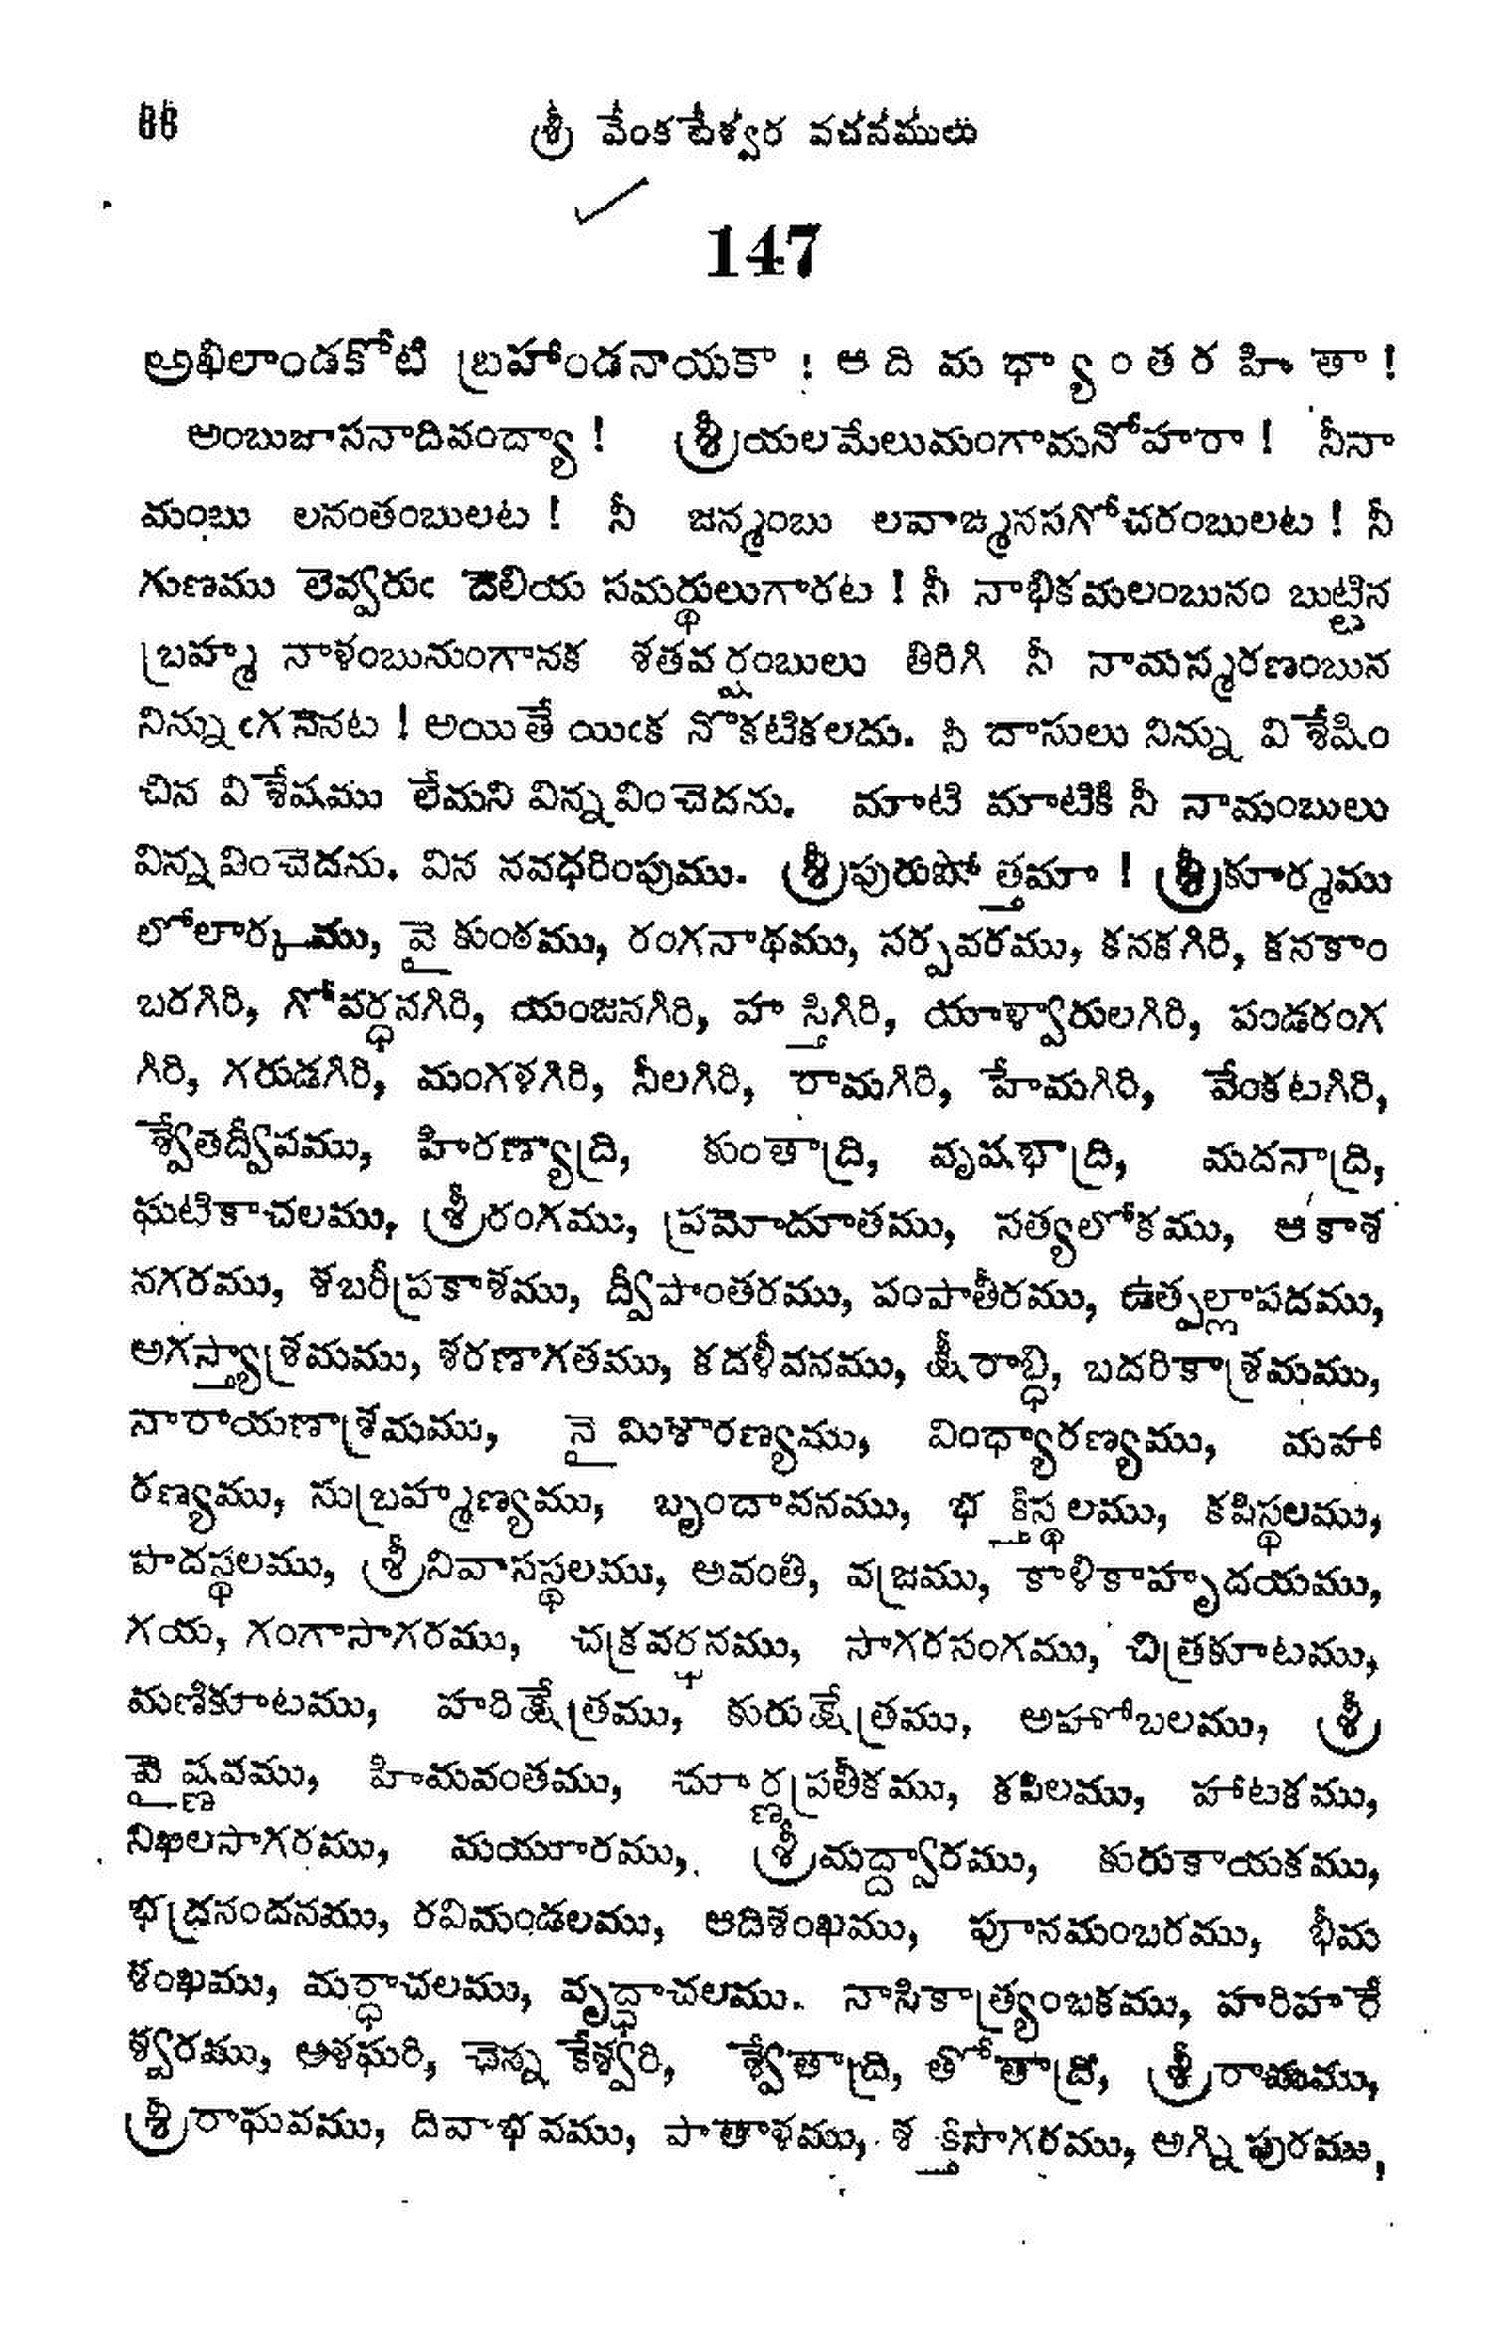147 

 ! ఆది మధ్యాంతరహితా !అంబుజాసనాది వంద్యా ! శ్రీయలమేలుమంగా మనోహరా ! నీనా మంబు లనంతంబులట ! నీ జన్మంబు లవాజ్మనసగోచరంబులట ! నీ గుణము లెవ్వరుఁ దెలియ సమర్థులుగారట ! నీ నాభికమలంబునం బుట్టిన బ్రహ్మ నాళంబునుంగానక శతవర్షంబులు తిరిగి నీ నామస్మరణంబున నిన్నుఁగ నేనట ! అయితే యిఁక నొకటికలదు. నీ దాసులు నిన్ను విశేషం చిన విశేషము లేమని విన్నవించెదను. మాటి మాటికి నీ నామంబులు విన్నవించెదను, విన నవధరింపుము. శ్రీపురుషోత్తమా ! శ్రీకూర్మము లోలార్కము, వైకుంఠము, రంగనాథము, సర్పవరము, కనక గిరి, కనకాం బరగిరి, గోవర్ధనగిరి, యంజనగిరి, హ స్తిగిరి, యాళ్వారులగిరి, పండరంగ గిరి, గరుడగిరి, మంగళగిరి, నీలగిరి, రామగిరి, హేమగిరి, వేంకటగిరి, శ్వేతద్వీపము, హిరణ్యాద్రి, కుంతాద్రి, వృషభాద్రి, మదనాద్రి, ఘటికాచలము, శ్రీరంగము, ప్రమోదూతము, సత్యలోకము, ఆకాశ నగరము, శబరీ ప్రకాశము, ద్వీపాంతరము, పంపాతీరము, ఉత్పల్లాపదము, అగస్త్యాశ్రమము, శరణాగతము, కదళీవనము, క్షీరాబ్ది, బదరికాశ్రమము, నారాయణాశ్రమము, నై మిశారణ్యము, వింధ్యారణ్యము, మహా రణ్యము, సుబ్రహ్మణ్యము, బృందావనము, భక్తిస్థలము, కపిస్తలము, పాదస్థలము, శ్రీనివాసస్థలము, అవంతి, వజ్రము, కాళికాహృదయము, గయ, గంగాసాగరము, 'చక్రవర్దనము, సాగరసంగము, చిత్రకూటము, మణికూటము, హరిక్షేత్రము, కురుక్షేత్రము, అహోబలము, శ్రీ వైష్ణవము, హిమవంతము, చూర్ల ప్రతీకము, కపిలము, హాటకము, నిఖిలసాగరము, మయూరము,, శ్రీమద్ద్వారము, కురుకాయకము, భద్రనందనము, రవిమండలము, ఆదిశంఖము, పూనమంబరము, భీమ శంఖము, మర్ధాచలము, వృద్ధాచలము. నాసికాత్ర్యంబకము, హరిహరే శ్వరము, ఆళఘరి, చెన్న కేశ్వరి, శ్వేతాద్రి, తోతాద్రి, శ్రీరామము, శ్రీ రాఘవము, దివాభవము, పాతాళము, శ క్తిసాగరము, అగ్ని పురము,